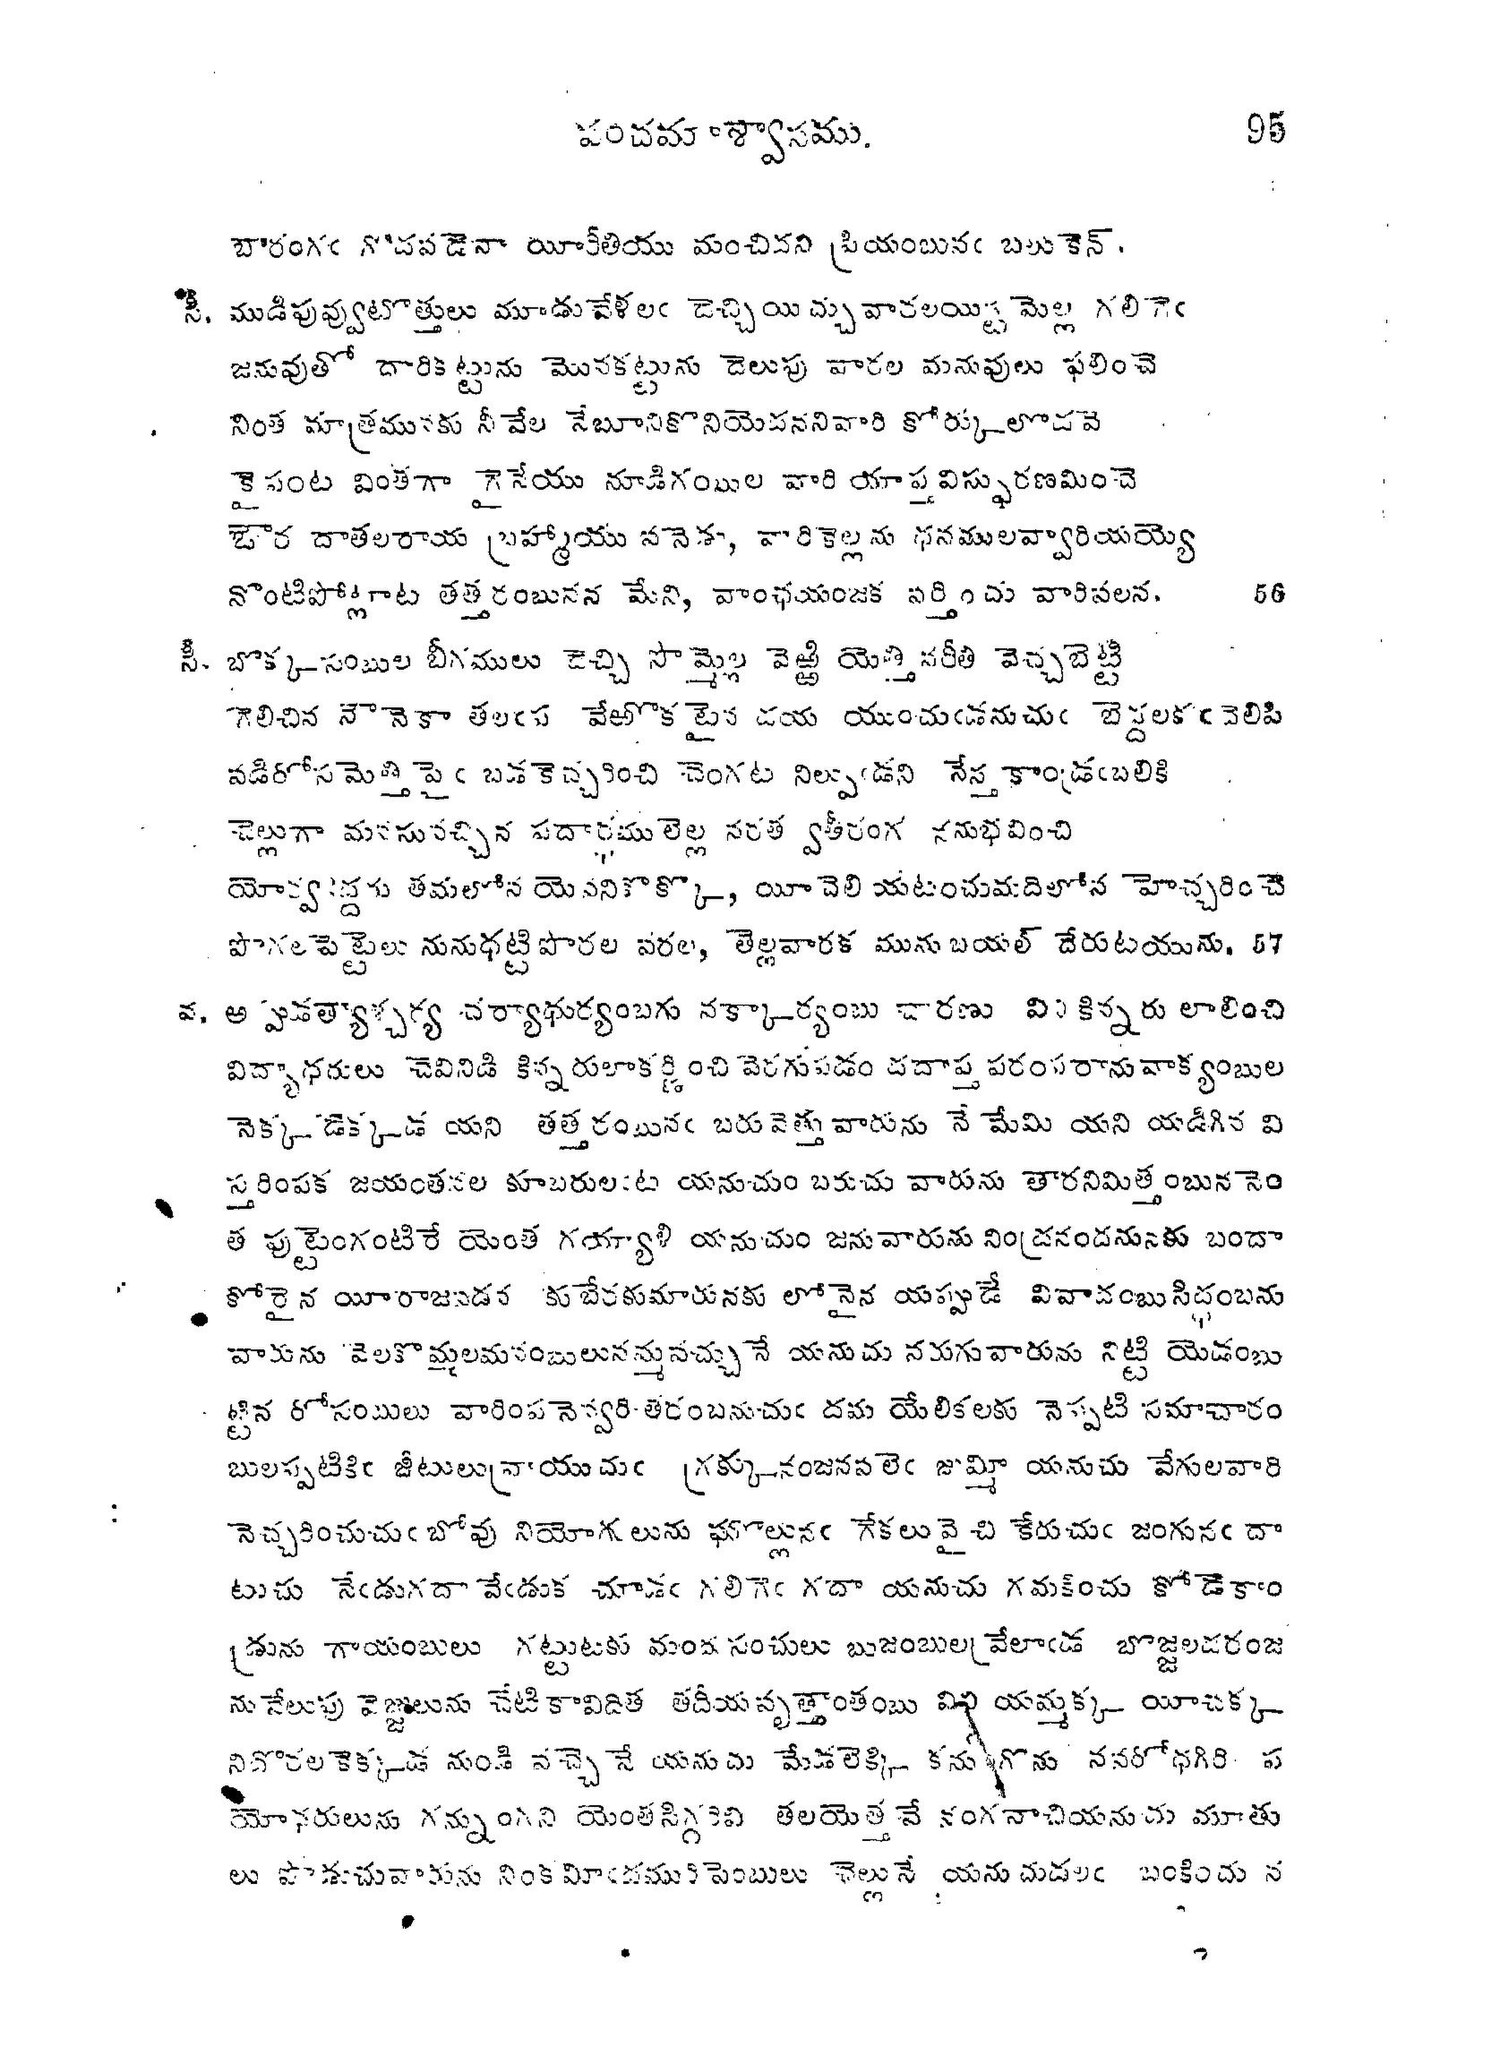బారంగఁ గొదవడెనా యీరీతియు మంచిదని ప్రియంబునఁ బలుకెన్.
సీ. ముడిపువ్వుటొత్తులు మూడువేళల దెచ్చియిచ్చువారల యిష్టమెల్ల గలిగెఁ
జనువుతో దారికట్టును మొనకట్టును దెలుపువారల మనువులు ఫలించె
నింతమాత్రమునకు నీ వేల నే బూనికొనియెదననివారి కోర్కు లొదవె
కైపంట వింతగా గైసేయు నూడిగంబులవారి యాప్తవిస్ఫురణ మించె
ఔర దాతలరాయ బ్రహ్మాయు ననెడు, వారికెల్లను ధనము లవ్వారియయ్యె
నొంటిపోట్లాట తత్తరంబునన మేని, వాంఛ యంజక వర్తించువారివలన,.
సీ. బొక్కసంబుల బీగములు ఇచ్చి సొమ్మెల్ల వెఱ్ఱి యెత్తినరీతి వెచ్చబెట్టి
గెలిచిన నౌనెకా తలఁప వేఱొకటైన దయ యుంచుఁడనుచుఁ బెద్దలకఁ దెలిపి
వడిరోస మెత్తి పైఁబడ కెచ్చరించి చెంగట నిల్వుఁడని నేస్తకాండ్రఁ బలికి
చెల్లుగా మనసువచ్చిన పదార్థములెల్ల నరతన్వి తీరంగ ననుభవించి
యోర్వరిద్దరు తమలోన యెవనికొక్కొ, యీ చెలి యటంచు మదిలోన హెచ్చరించె
పొగలపెట్టెలు నునుధట్టిపొరల సరళ, తెల్లవారక మును బయల్ దేరుటయును.
వ. అప్పు డత్యాశ్చర్యచర్యాధుర్యంబగు నక్కార్యంబు చారణులు విని కిన్నరు లాలించి
విద్యాధరులు చెవినిడి కిన్నరు లాకర్ణించి వెరగుపడం దదాప్తపరంపరానువాక్యంబుల
నెక్కడెక్కడ యని తత్తరంబునఁ బరువెత్తువారును నే మేమి యని యడిగిన వి
స్తరింపక జయంతనలకూబరులఁట యనుచుం బరుచువారును తారనిమిత్తంబున నెం
త పుట్టెం గంటిరే యెంత గయ్యాళి యనుచుం జనువారును నింద్రనందనునకు బందా
కోరైన యీరాజవదన కుబేరకుమారునకు లోనైన యప్పుడే వివాదంబు సిద్ధంబను
వారును వెలకొమ్మలమనంబులు నమ్మవచ్చునే యనుచు నరుగువారును నిట్టి యెడంబు
ట్టిన రసంబులు వారింప నెవ్వరితెరం బనుచుఁ దమయేలికలకు నెప్పటిసమాచారం
బు లప్పటికిఁ జీటులు వ్రాయుచుఁ గ్రక్కునం జనవలెఁ జుమ్మీ యనుచు వేగులవారి
నెచ్చరించుచుఁ బోవు నియోగులును ఘొల్లునఁ గేకలు వైచి కేరుచుఁ జంగునఁ దా
టుచు నేఁడుగదా వేఁడుక చూడఁగలిగెఁ గదా యనుచు గమకించు కోడేకాం
డ్రును గాయంబులు గట్టుటకు మందుసంచులు బుజంబుల వేలాడ బొజ్జలదరంజ
ను వేలుపువెజ్జులును చేటికావిదితతదీయవృత్తాంతంబు విని యమ్మక్క యీచక్క
నిదొరల కెక్కడనుండి వచ్చెనే యనుచు మేడ లెక్కి కనుఁగొను నవరోధగిరి ప
యోధరులును గన్నుంగని యెంతసిగ్గరివి తలయెత్తవే నంగనాచి యనుచు మూతు
లు పొడుచువారును నింకమీఁద మురిపెంబులు చెల్లునే యనుచుఁ దలఁ బంకించు న